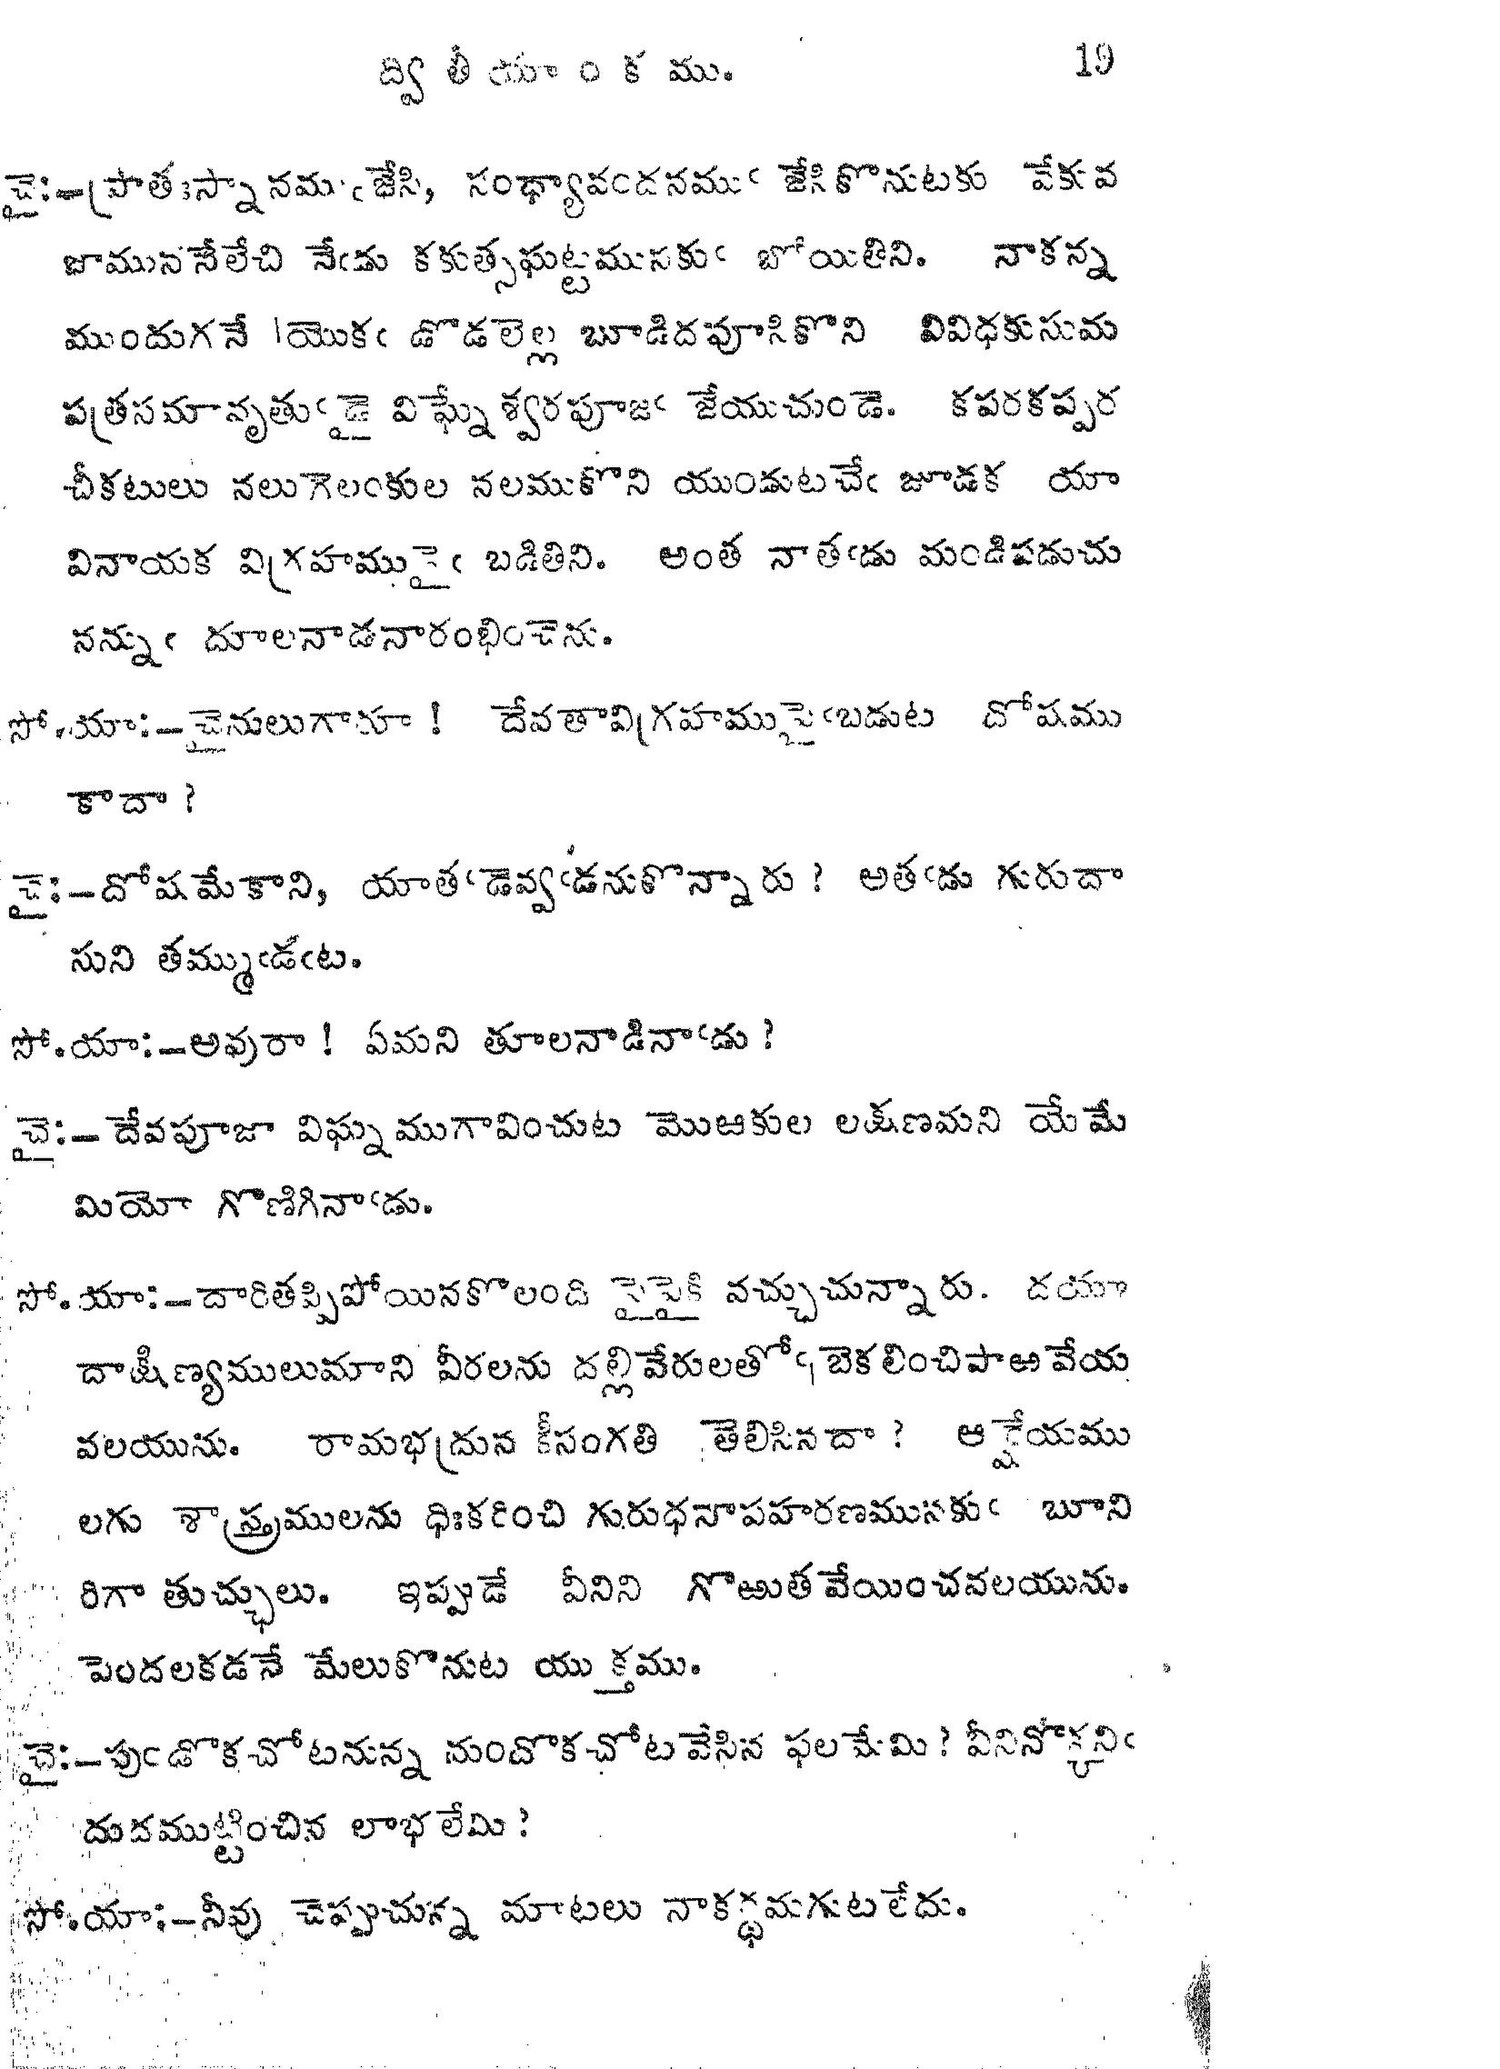చై:- ప్రాతఃస్నా నము జేసి, సంధ్యావందనముఁ జేసి కొనుటకు వేకవ
 జాముననే లేచి నేఁడు కకుత్సఘట్టముసకుఁ బోయితిని. నాకన్న
 ముందుగనే యొకఁ డొడ లెల్ల బూడిద పూసికొని వివిధకుసుమ
 పత్రసమానృతుఁడై విఘ్నేశ్వర పూజఁ జేయుచుండె. కపరకప్పర
 చీకటులు నలు గెలఁకుల నలము కాని యుండుటచేఁ జూడక యా
 వినాయక విగ్రహము పైఁ బడితిని. అంత నాతఁడు మండి పడుచు
 నన్ను దూలనాడ నారంభించెను.

సోయా:-చైనులుగానూ ! దేవతా విగ్రహము పైఁబడుట దోషము 

చై: దోషమేకాని, యాతఁ డెవ్వఁడనుకొన్నారు ? అతఁడు గురుదా
 సుని తమ్ముఁడఁట.

సో.యా:-అవురా ! ఏమని తూలనాడినాఁడు !

చై:- దేవ పూజా విఘ్నముగావించుట మొఱకుల లక్షణమని యేమే
 మియో గొణిగినాఁడు.

సో.యా:- దారితప్పిపోయిన కొలంది పైపైకి వచ్చుచున్నారు. దయా
 దాక్షిణ్యములుమాని వీరలను దల్లి వేరులతో, బెకలించి పాఆ వేయ
 వలయును. రామభద్రున కీసంగతి తెలిసినదా ! ఆర్షేయము
 లగు శాస్త్రములను ధిక్కరించి గురుధనాపహరణముసకుఁ బూని
 రిగా తుచ్చులు. ఇప్పుడే వీనిని గొఱుత వేయించ వలయును.
 పెందలకడనే 'మేలుకొనుట యుక్తము.

చై:-: పుండొకచోట నున్న మందొక చోట వేసిన ఫలమేమి? వీనినోళని
 దుదముట్టించిన లాభ లేమి ?

సో.యా:-నీవు చెప్పుచున్న మాటలు నాకర్దమగుటలేదు.